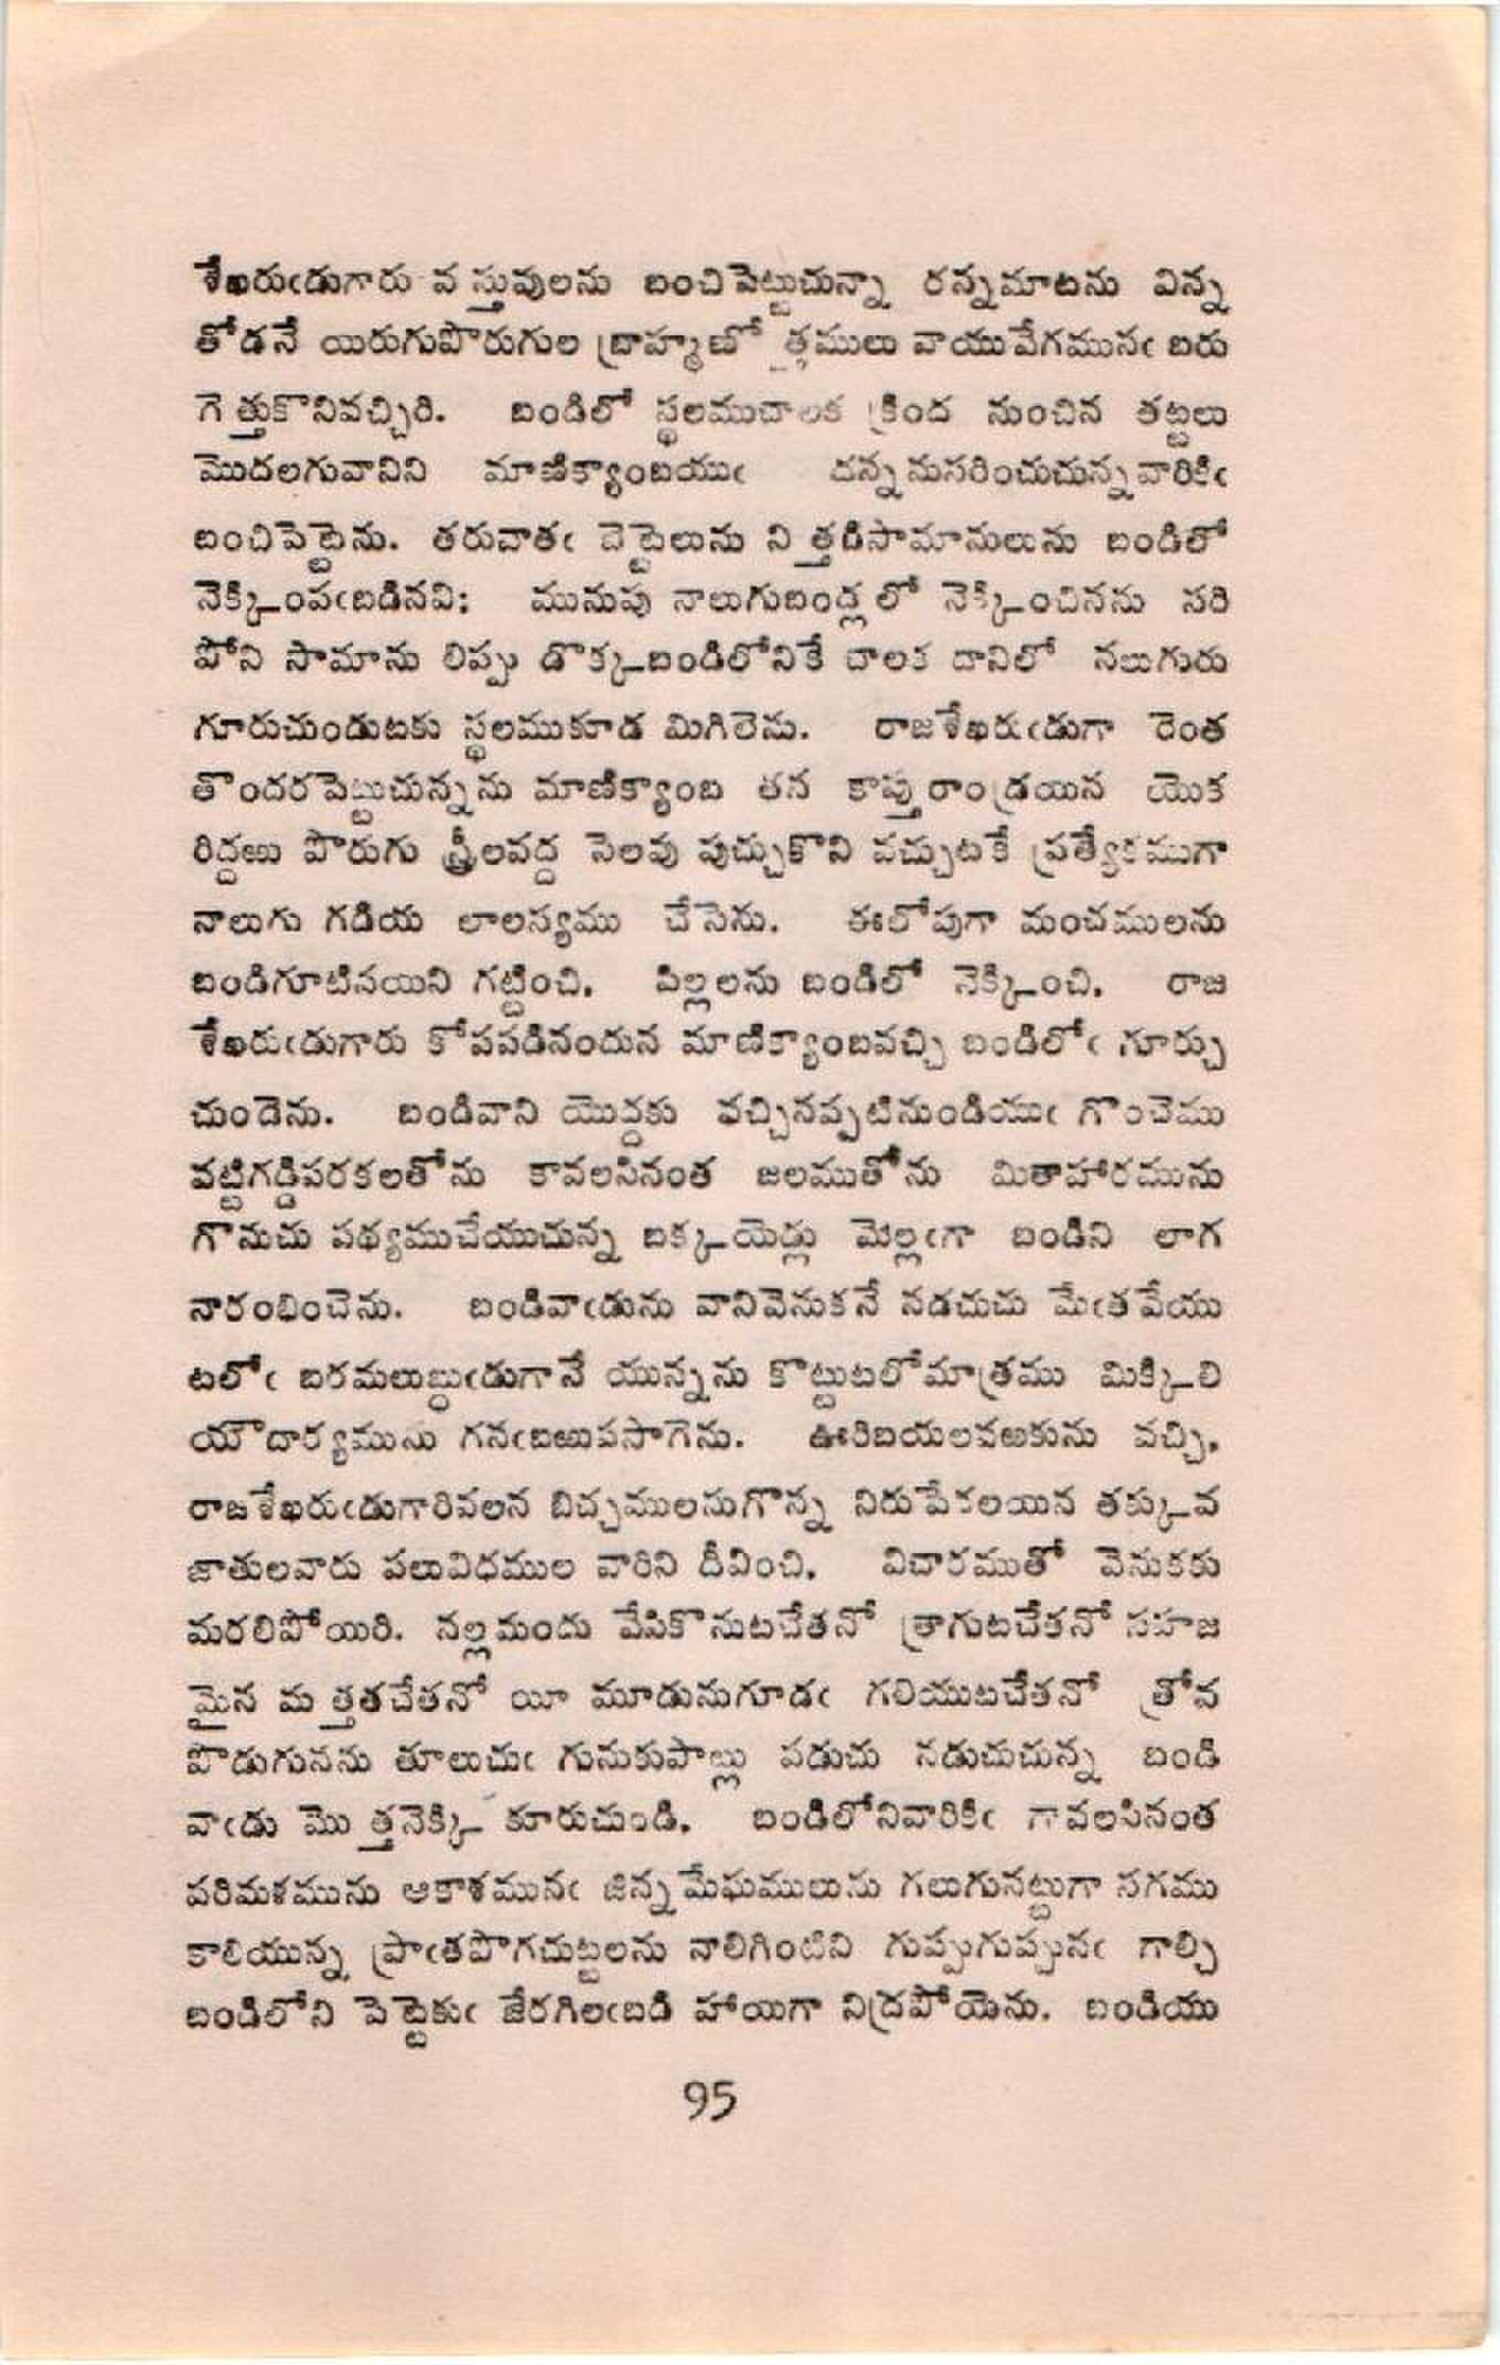శేఖరుఁడుగారు వస్తువులను బంచిపెట్టుచున్నా రన్నమాటను విన్న తోడనే యిరుగుపొరుగుల బ్రాహ్మణోత్తములు వాయువేగమునఁ బరు గెత్తుకొనివచ్చిరి. బండిలో స్థలముచాలక క్రింద నుంచిన తట్టలు మొదలగువానిని మాణిక్యాంబయుఁ దన్ననుసరించుచున్నవారికిఁ బంచిపెట్టెను. తరువాతఁ 
బెట్టెలును నిత్తడి సామానులను బండిలో నెక్కింపఁబడినవి; మునుపు నాలుగుబండ్లలో నెక్కించినను సరి పోని సామాను లిప్పు డొక్క బండిలోనికే చాలక దానిలో నలుగురు గూరుచుండుటకు స్థలముకూడ మిగిలెను. రాజశేఖరుడుగా రెంత తొందరపెట్టుచున్నను మాణిక్యాంబ తన కాప్తు రాండ్రయిన యొక రిద్దఱు పొరుగు స్త్రీల వద్ద సెలవు పుచ్చుకొని వచ్చుటకే ప్రత్యేకముగా నాలుగు గడియ లాలస్యము చేసెను. ఈలోపుగా మంచములను బండిగూటిపయిని గట్టించి, పిల్లలను బండిలో నెక్కించి, రాజ శేఖరుఁడుగారు కోపపడినందున మాణిక్యాంబవచ్చి బండిలోఁ గూర్చు చుండెను. బండివాని వద్దకు వచ్చినప్పటినుండియు గొంచెము వట్టిగడ్డిపరకలతోను కావలసినంత జలముతోను మితాహారమును గొనుచు పథ్యముచేయుచున్న బక్క యెడ్లు మెల్లఁగా బండిని లాగ నారంభించెను. బండివాఁడును వానివెనుకనే నడచుచు మేత వేయు టలో బరమలుబ్దుడుగానే యున్నను కొట్టుటలో మాత్రము మిక్కిలి యౌదార్యమును గనఁబఱుపసాగెను. ఊరిబయలవఱకును వచ్చి, రాజశేఖరుఁడు గారివలన బిచ్చములనుగొన్న నిరుపేదలయిన తక్కువ జాతులవారు పలువిధముల వారిని దీవించి, విచారముతో వెనుకకు మరలిపోయిరి. నల్లమందు వేసికొనుటచేతనో త్రాగుటచేతనో సహజ మైన మత్తతచేతనో యీ మూడునుగూడఁ గలియుటచేతనో త్రోవ పొడుగునను తూలుచుఁ గునుకుపాట్లు పడుచు నడుచుచున్న బండి వాఁడు మొత్తనెక్కి కూరుచుండి బండిలోని వారికి పరిమళమును ఆకాశమునఁ జిన్నమేఘములను గలుగునట్టుగా సగము కాలియున్న ప్రాఁతపొగచుట్టలను నాలిగింటిని గుప్పుగుప్పున గాల్చి బండిలోని పెట్టెకుఁ జేరగిలబడి హాయిగా నిద్రపోయెను. బండియు